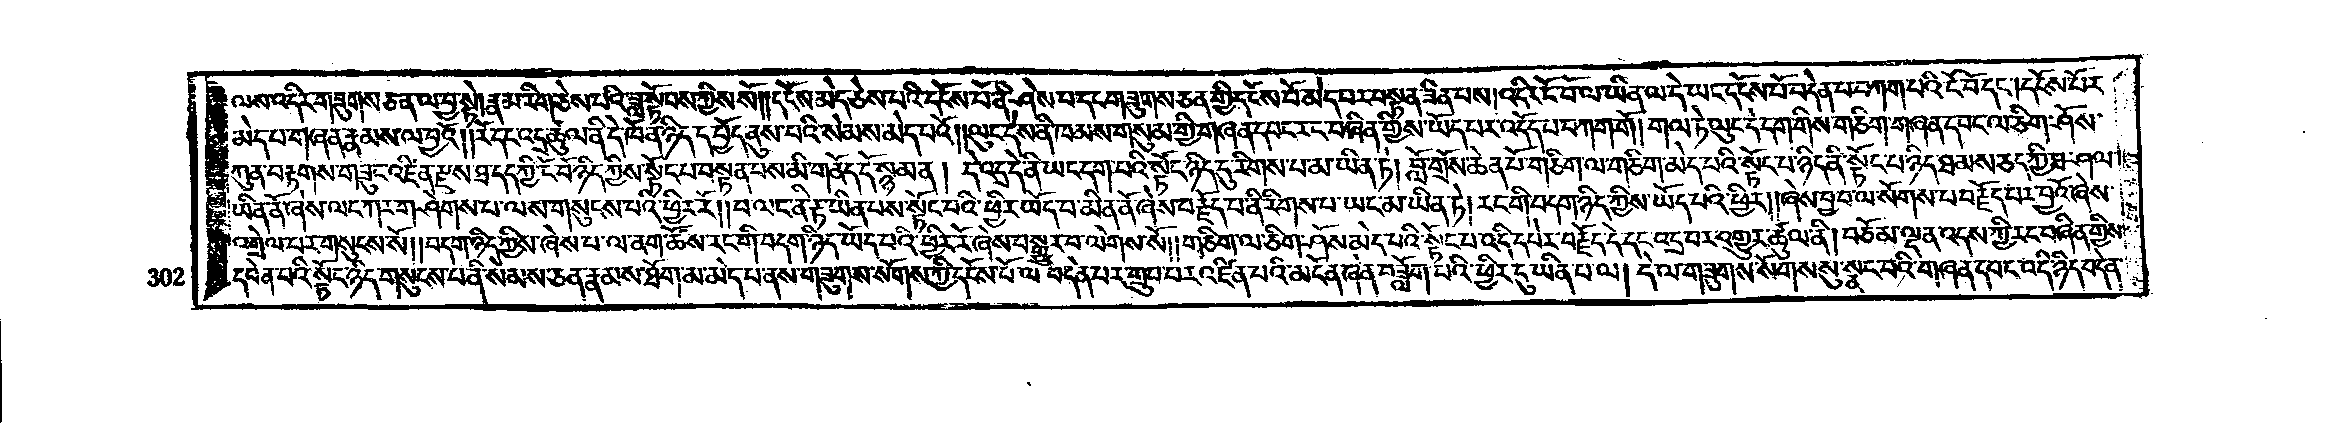ལས་འདིར་གཟུགས་ཅན་ལ་བྱ་སྟེ། རྣམ་རིག་ཅེས་པའི་ཟླ་སྟོབས་ཀྱིས་སོ། །དངོས་མེད་ཅེས་པའི་དངོས་པོ་ནི་ཤེས་པ་དང་གཟུགས་ཅན་གྱི་དངོས་པོ་མེད་པར་བསྟན་ཟིན་པས། འདིར་ངོ་བོ་ལ་ཡིན་ལ་དེ་ཡང་དངོས་པོ་བདེན་པ་བཀག་པའི་ངོ་བོ་དང་། དངོས་པོར་
མེད་པ་གཞན་རྣམས་ལ་བྱའོ། །རོ་དང་འདྲ་ཚུལ་ནི་དེ་ཁོ་ན་ཉིད་དཔྱོད་ནུས་པའི་སེམས་མེད་པའོ། །ལུང་དེས་ནི་ཁམས་གསུམ་གྱི་གཞན་དབང་རང་བཞིན་གྱིས་ཡོད་པར་འདོད་པ་བཀག་གོ །གལ་ཏེ་ལུང་དེ་དག་གིས་གཅིག་གཞན་དབང་ལ་ཅིག་ཤོས་
ཀུན་བརྟགས་གཟུང་འཛིན་རྫས་ཐ་དད་ཀྱི་ངོ་བོ་ཉིད་ཀྱིས་སྟོང་པ་བསྟན་པས་མི་གནོད་དོ་སྙམ་ན། དེ་འདྲ་དེ་ནི་ཡང་དག་པའི་སྟོང་ཉིད་དུ་རིགས་པ་མ་ཡིན་ཏེ། བློ་གྲོས་ཆེན་པོ་གཅིག་ལ་གཅིག་མེད་པའི་སྟོང་པ་ཉིད་ནི་སྟོང་པ་ཉིད་ཐམས་ཅད་ཀྱི་ཐ་ཤལ་
ཡིན་ནོ་ཞེས་ལང་ཀར་གཤེགས་པ་ལས་གསུངས་པའི་ཕྱིར་རོ། །བ་ལང་ནི་རྟ་ཡིན་པས་སྟོང་པའི་ཕྱིར་ཡོད་པ་མིན་ནོ་ཞེས་བརྗོད་པ་ནི་རིགས་པ་ཡང་མ་ཡིན་ཏེ། རང་གི་བདག་ཉིད་ཀྱིས་ཡོད་པའི་ཕྱིར། །ཞེས་བྱ་བ་ལ་སོགས་པ་བརྗོད་པར་བྱའོ་ཞེས་
འགྲེལ་པར་གསུངས་སོ། །བདག་ཉིད་ཀྱིས་ཞེས་པ་ལ་ནག་ཚོས་རང་གི་བདག་ཉིད་ཡོད་པའི་ཕྱིར་རོ་ཞེས་བསྒྱུར་བ་ལེགས་སོ། །གཅིག་ལ་ཅིག་ཤོས་མེད་པའི་སྟོང་པ་འདི་དཔེར་བརྗོད་དེ་དང་འདྲ་བར་འགྱུར་ཚུལ་ནི། བཅོམ་ལྡན་འདས་ཀྱི་རང་བཞིན་གྱིས་
དབེན་པའི་སྟོང་ཉིད་གསུངས་པ་ནི་སེམས་ཅན་རྣམས་ཐོག་མ་མེད་པ་ནས་གཟུགས་སོགས་ཀྱི་དངོས་པོ་ལ་བདེན་པར་གྲུབ་པར་འཛིན་པའི་མངོན་ཞེན་བཟློག་པའི་ཕྱིར་དུ་ཡིན་པ་ལ། དེ་ལ་གཟུགས་སོགས་སུ་སྣང་བའི་གཞན་དབང་འདི་ཉིད་བདེན་